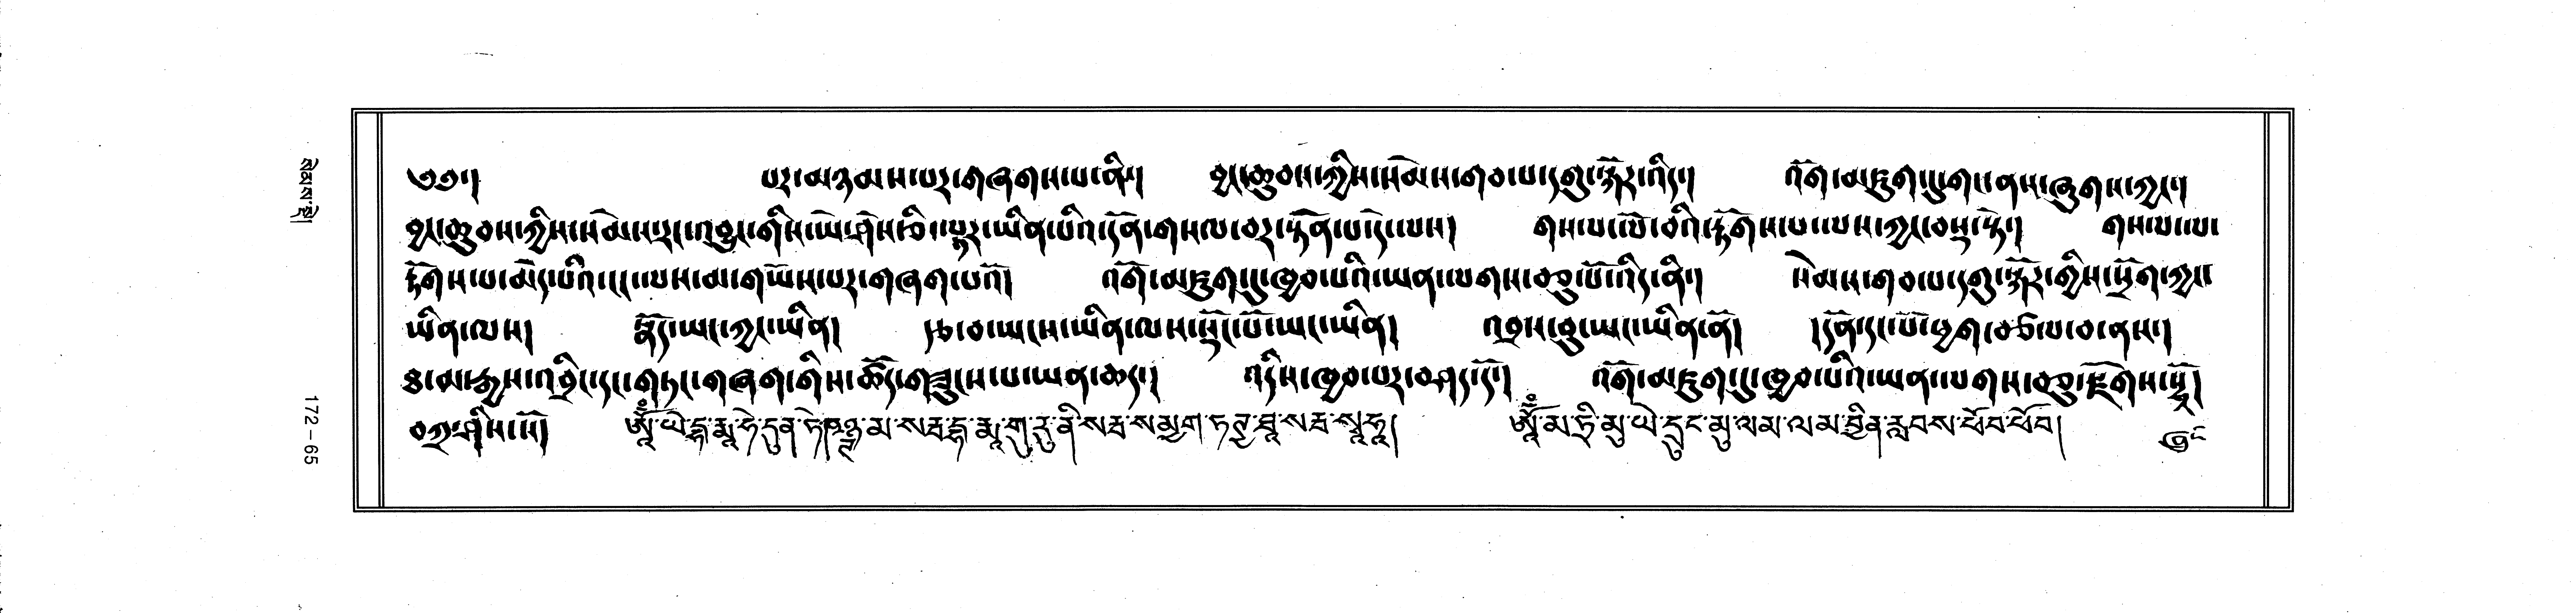པར་མཉམས་པར་གཞགས་པ་ནི། བྱང་ཆུབ་ཀྱིས་སེམས་གབ་པ་དགུ་སྐོར་འདི། མགོ་མཇུག་དུ་གང་ནས་ཞུགས་ཀྱང་། 
བྱང་ཆུབ་ཀྱིས་སེམས་རང་འབྱུང་གིས་ཡེ་ཤེས་ཅི་ལྟར་ཡིན་པའི་དོན་གསལ་བར་སྟོན་པ་དེ་ལས། གསལ་ལོ་བའི་རྟོགས་པ་ལས་ཀྱང་བསྡ་སྟེ། གསལ་ལ་
རྟོགས་པ་མེད་པའི་ངང་ལས་མ་གཡོས་པར་གཞག་པའོ། མགོ་མཇུག་དུ་ཁྱབ་པའི་ཡན་ལག་བཅུ་པོ་འདི་ནི། སེམས་གབ་པ་དགུ་སྐོར་གྱིས་སྲོག་ཀྱང་
ཡིན་ལས། སྣོད་ཡང་ཀྱང་ཡིན། རྩ་བ་ཡངས་ཡིན་ལ་སྡོང་པོ་ཡང་ཡིན། འབྲས་བུ་ཡང་ཡིན་ནོ། དོན་དང་པོ་ཕྱག་བཙལ་བ་ནས། 
ཐ་མ་རྒྱས་འབྲིང་དང་གཏང་གཞག་གིས་ཚོད་གཟུངས་པ་ཡན་ཆད། འདིས་ཁྱབ་པར་བཤད་དོ། མགོ་མཇུག་དུ་ཁྱབ་པའི་ཡན་ལག་བཅུ་རྫོགས་སྷཱོ། 
བཀྲ་ཤིས་སོ། ཨཱོྃ་ཡེ་དྷ་རྨཱ་ཧེ་དུན་ཏེ་རཉྚ་མ་སརྦ་དྷ་རྨཱ་གུ་རུ་ནི་སརྦ་སམྱག་ཏཊྱ་ཐཱ་སརྦ་སྭཱཧཱ། ཨཱོྃ་མ་ཏྲི་མུ་ཡེ་དྲུང་མུ་ལམ་ལམ་བྱིན་རླབས་ཕོབ་ཕོབ། ཞུས་སོ།